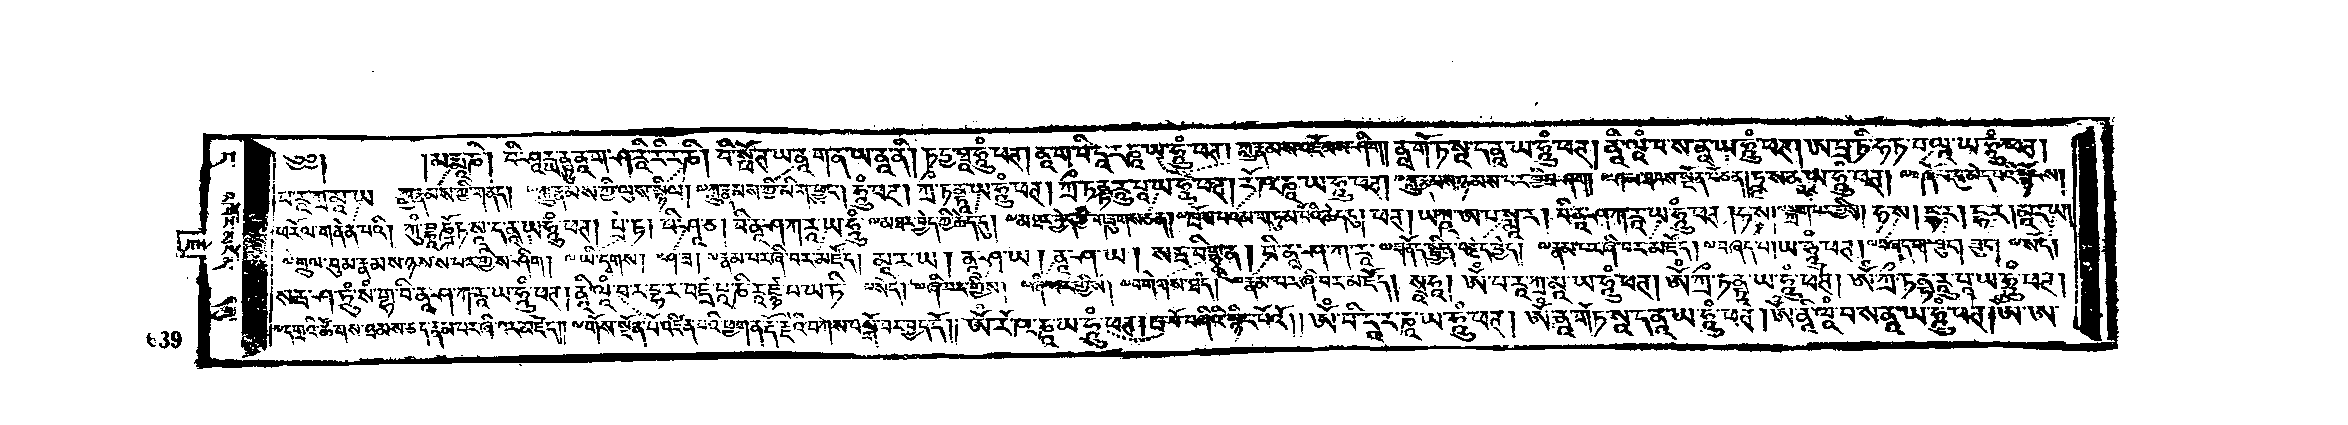༄༅། །མ་རྨཱ་ཎི། བི་ཤཱརྱ་ནྟུ་ནཱ་ག་ཤ་རཱི་རི་ར་ཎི། བི་སྥོ་ཊ་ཡ་ནཱ་ག་ན་ཡ་ནཱ་ནི། ཏདྱ་ཐཱ་ཧཱུཾ་ཕཊ། ནཱ་ག་བི་ད༑ཨ་ར་ཎཱ་ཡ་ཧཱུཾ་ཕཊ། ཀླུ་རྣམས་འཇོམས་ཤིག ། ནཱ་གོ་ཏ་སཱ་ད་ནཱ་ཡ་ཧཱུཾ་ཕཊ། ནཱི་ལཱཾ་བ་ས་ནཱ་ཡ་ཧཱུཾ་ཕཊ། ཨ་པྲ་ཏི་ཧ་ཏ་བ་ལཱ་ཡ་ཧཱུཾ་ཕཊ།
པ་རཱ་ཀྲ་མཱ་ཡ། ཀླུ་རྣམས་ཀྱི་གནད། ~་ཀླུ་རྣམས་ཀྱི་ལུས་སྙིལ། ~་ཀླུ་རྣམས་ཀྱི་མིག་ཕྱུང་། ཧཱུཾ་ཕཊ། ཀྲྀ་ཏ་ནྟཱ་ཡ་ཧཱུཾ་ཕཊ། ཀྲྀ་ཏ་ནྟ་རཱུ་པཱ་ཡ་ཧཱུཾ་ཕཊ། རོ་ཥ་ཎཱ་ཡ་ཧཱུཾ་ཕཊ། ~ཀླུ་རྣམས་ཉམས་པར་གྱི་བཤག ། ཤམ་ཐབས་སྔོན་པོ་ཅན། ཏྲཱ་ས་ནཱ་ཡ་ཧཱུཾ་ཕཊ། ཞོམ་བུ་མེད་པའི་སྟོབས།
ཕ་རོལ་གནོན་པའི། ཀུཾ་བྷཱ་ཎྜོ་ཏ་སཱ་ད་ནཱ་ཡ་ཧཱུཾ་ཕཊ། པྲེ་ཏ། པི་ཤཱ་ཅ། བི་ནཱ་ཤ་ཀ་རཱ་ཡ་ཧཱུཾ་~མཐར་བྱེད་ཀྱི་ཆེད་དུ། ~མཐར་བྱེད་ཀྱི་གཟུགས་ཅན། ~ཁྲོས་པའམ་གཏུམ་པོའི་ཆེད་དུ། ཕཊ། ཡཀྴ་ཨ་པ་སྨཱ་ར། བི་ནཱ་ཤ་ཀ་རཱ་ཡ་ཧཱུཾ་ཕཊ། ཧ་ས། ~སྐྲག་པར་གྱིས། ཧ་ས། དྷ་ར། དྷ་ར། མཱ་ར་ཡ།
~་གྲུལ་བུམ་རྣམས་ཉས་ས་པར་གྱིས་ཤིག །~་ཡི་དྭགས། ། ཤ་ཟ། ~་རྣམ་པར་ཞི་བར་མཛོད། མཱ་ར་ཡ། ནཱ་ཤ་ཡ། ནཱ་ཤ་ཡ། སརྦ་བི་གྷྣཱ་ན། བི་ནཱ་ཤ་ཀ་ར༑ཨ་~གནོད་སྦྱིན་བརྗེད་བྱེད། ~རྣམ་པར་ཞི་བར་མཛོད། ལ་བཞད་པ། ཡ་ཧཱུཾ་ཕཊ། ~བཞད་ག་ཟུང་། ཟུང་། ~སོད།
སརྦ་ཤ་ཏྲུཾ་སཾ་གྷ་བི་ནཱ་ཤ་ཀ་རཱ་ཡ་ཧཱུཾ་ཕཊ། ཧཱི་ལའཾ་བ་ར་དྷ་ར་བཛྲ་པཱ་ཎི་རཱ་ཛྙ་པ་ཡ་ཏི་སེད། ཞི་བར་གྱིས། ཞི་བར་གྱིས། བགེགས་ཐམས་ཅད། རྣམ་པར་ཞི་བར་མཛོད། སྦཱ་ཧཱ། ཨོཾ་པ་རཱ་ཀྲ་མཱ་ཡ་ཧཱུཾ་ཕཊ། ཨོཾ་ཀྲྀ་ཏ་ནྟཱ་ཡ་ཧཱུཾ་ཕཊ། ཨོཾ་ཀྲྀ་ཏནྟ་རཱུ་པཱ་ཡ་ཧཱུཾ་ཕཊ།
དགྲའི་ཚོགས་ཐམས་ཅད་རྣམ་པར་ཞི་བར་མཛོད། །གོས་སྔོན་པོ་འཛིན་པའི་ཕྱག་ན་རྡོ་རྗེའི་བཀས་བསྒོ་བར་བྱེད་དོ། །ཨོཾ་རོ་ཥ་ཎཱ་ཡ་ཧཱུཾ་ཕཊ། ཁྲ་བོ་བཞིའི་སྙིང་པོའོ། །ཨོཾ་བི་དཱ་ར་ཎཱ་ཡ་ཧཱུཾ་ཕཊ། ཨོཾ་ནཱ་གོཏ་སཱ་ད་ནཱ་ཡ་ཧཱུཾ་ཕཊ། ཨོཾ་ནཱི་ལཱཾ་བ་ས་ནཱ་ཡ་ཧཱུཾ་ཕཊ། ཨོཾ་ཨ་